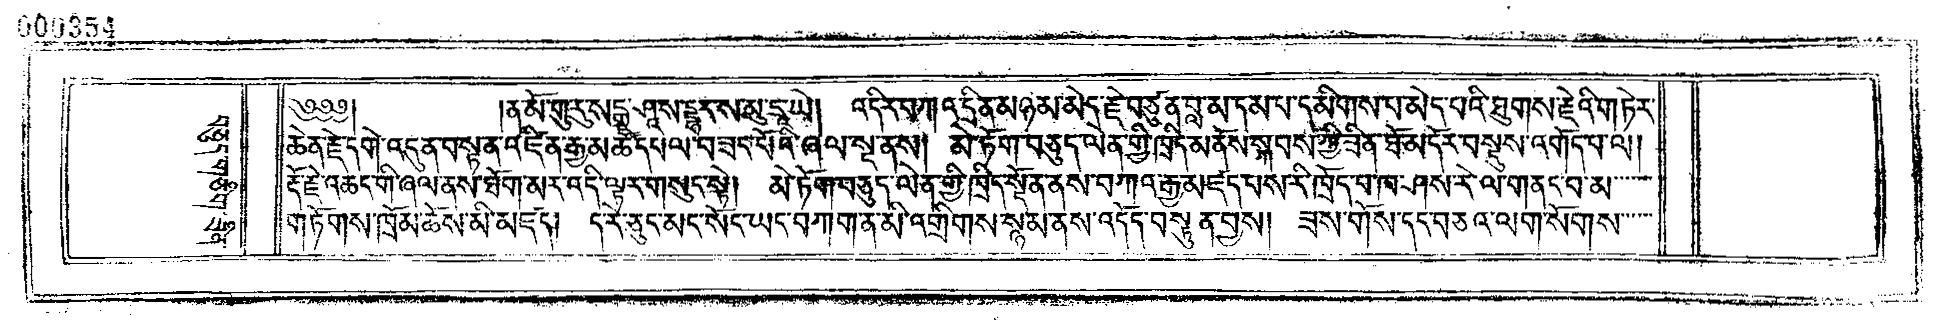༄༅༅། །ན་མོ་གུ་རུ་སངྒཱ་ཤཱ་ས་དྡྷར་ས་མུ་དྲཱ་ཡེ། འདིར་བཀའ་དྲིན་མཉམ་མེད་རྗེ་བཙུན་བླ་མ་དམ་པ་དམིགས་པ་མེད་པའི་ཐུགས་རྗེའི་གཏོར་
ཆེན་རྗེ་དགེ་འདུན་བསྟན་འཛིན་རྒྱ་མཚོ་དཔལ་བཟང་པོའི་ཞལ་སྔ་ནས། མེ་ཏོག་བཅུད་ལེན་གྱི་ཁྲིད་མནོས་སྐབས་ཀྱི་ཟིན་ཐོ་མདོར་བསྡུས་འགོད་པ་ལ།
རྡོ་རྗེ་འཆང་གི་ཞལ་ནས་ཐོག་མར་འདི་ལྟར་གསུང་སྟེ། མེ་ཏོག་བཅུད་ལེན་གྱི་ཁྲིད་སྔོན་ནས་བཀའ་རྒྱ་མཛད་པས་རི་ཁྲོད་པ་ཁ་ཤས་རེ་ལ་གནང་བ་མ་
གཏོགས་ཁྲོམ་ཆོས་མི་མཛད། ད་རེ་ཅུང་མང་སོང་ཡང་བཀག་ན་མི་འགྲིགས་སྙམ་ནས་འདོད་བསྟུན་བྱས། ཟས་གོས་དང་བཅའ་ལག་སོགས་